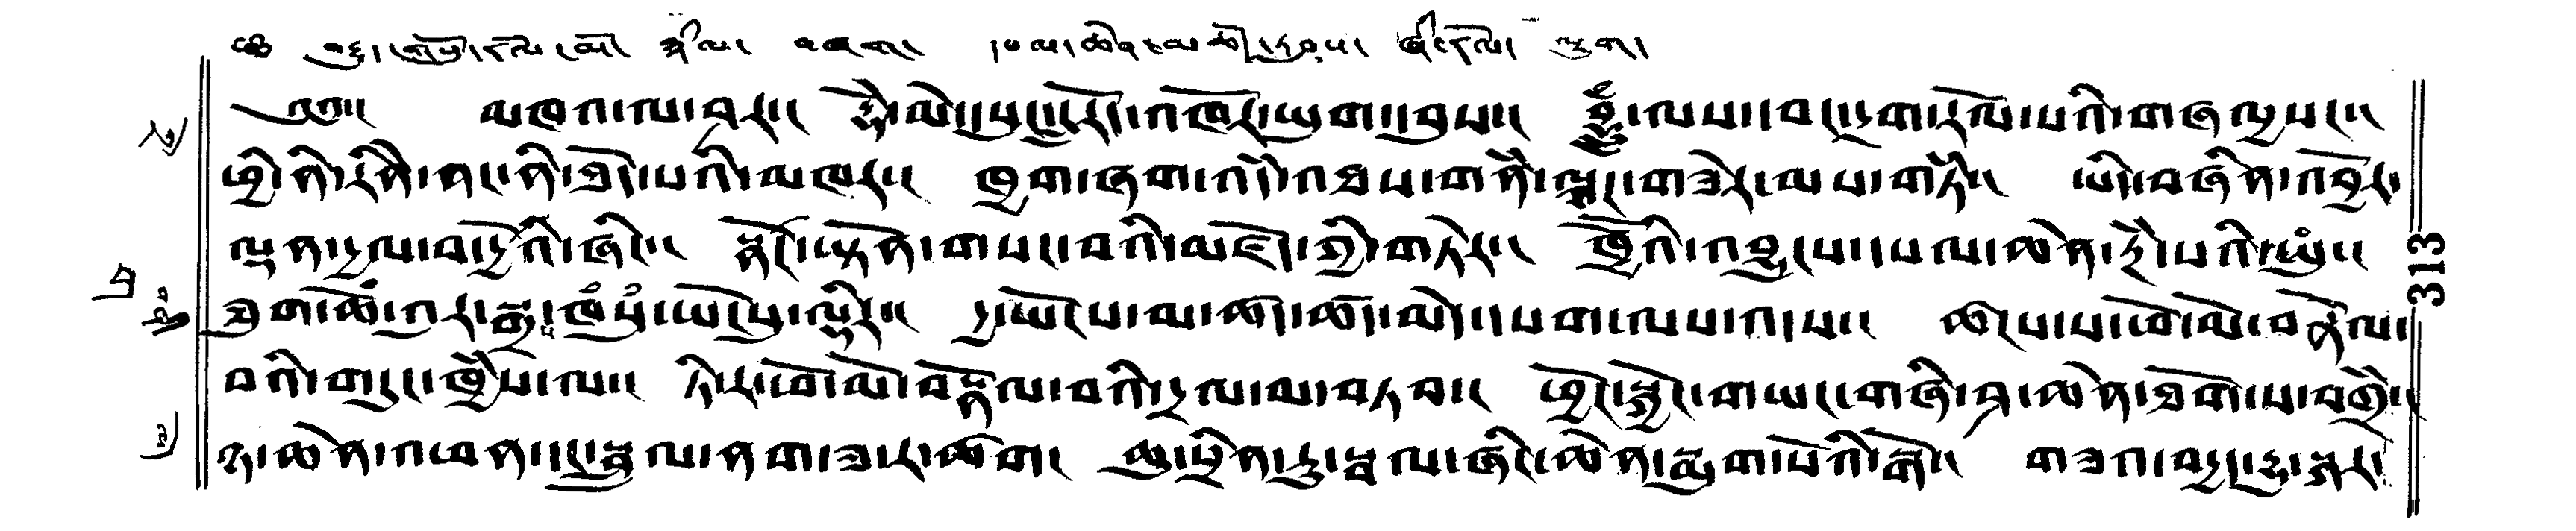མཁའ་ལ་ཤར། །རྡོ་རྗེ་མེ་དཔུང་དུར་ཁྲོད་འཁོར་ཡུག་དབུས། །བྷྲུྃ་ལས་དབང་དྲག་རོལ་པའི་གཞལ་ཡས་ཁང་། །
ཕྱི་ནི་རིན་ཆེན་ནང་ནི་ཐོད་པའི་མཁར། ཁྲག་ཞག་འདམ་འཐས་གནམ་ལྕགས་གཟེར་མས་གཏམས། །ཡིད་བཞིན་འབྱོར་
ལྡན་རྒྱལ་བ་རྒྱ་མཚོའི་ཞིང་། །སྣ་ཚོགས་ཡོན་ཏན་གསང་བའི་མཛོད་ཀྱི་གཏེར། ཁྲོ་བོའི་འབྱུང་གནས་དཔལ་ཆེན་རྔམ་པའི་ཡུམ། །
ཐུག་ཆོམ་འུར་སྒྲས་ཁམས་གསུམ་ཡོངས་སུ་ལྡིར། །རྒྱ་ཡོངས་མ་ཆད་ཚད་མེད་དཔག་ལས་འདས། །ཚངས་པ་ཕོ་མོ་བསྣོལ་
བའི་གདུང་ཁྱམས་ལ། །ཏི་ར་ཕོ་མོ་བསྣོལ་བའི་དྲལ་མ་བཏབ། །ཕྱོགས་སྐྱོང་གཡང་གཞི་ཤ་ཆེན་ཐོག་ས་བཀྲམ། །
ཉ་ཆེན་འཕན་དང་སྦྲུལ་ནག་ཟ་ར་ཚག།ཆུ་སྲིན་རུས་སྦལ་ཞིང་ཆེན་སྨུག་པོའི་སྒོ། །གཟའ་བརྒྱད་རྒྱུ་སྐར་